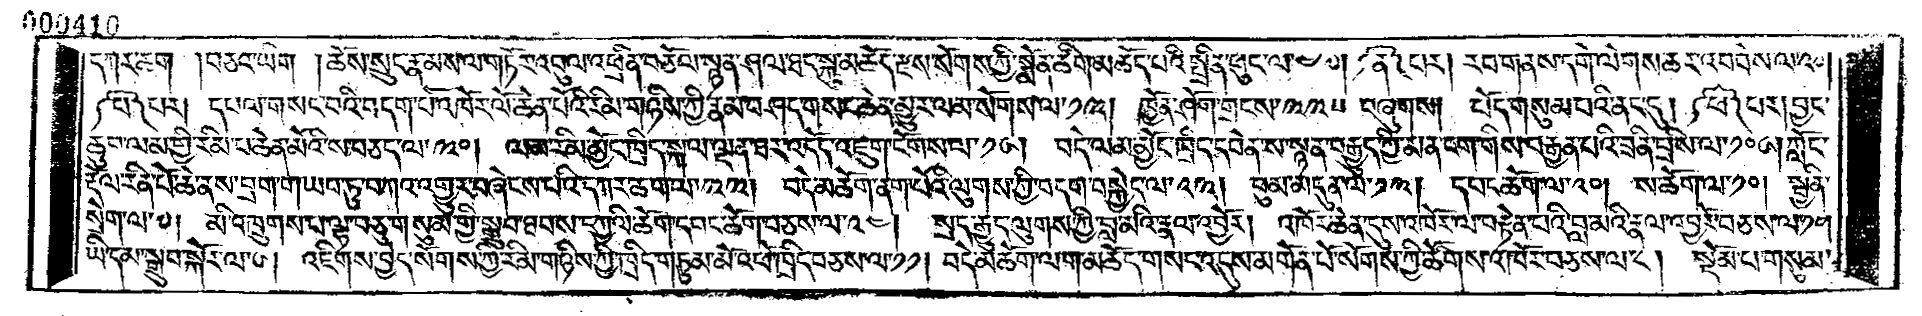དཀར་ཆག །བཅའ་ཡིག །ཆོས་སྲུང་རྣམས་ལ་གཏོར་འབུལ་འཕྲིན་བཅོལ་སྙན་ཤལ་ཐང་སྐུ་མཆོད་རྫས་སོགས་ཀྱི་སྨོན་ཚིག་མཆོད་པའི་སྤྲིན་ཕུང་ལ ༤༧། ༼ན༽ པར། རབ་གནས་དགེ་ལེགས་ཆར་འབེབས་ལ༢༧།
༼པ༽ པར། དཔལ་གསང་བའི་བདག་པོ་འཁོར་ལོ་ཆེན་པོའི་རིམ་གཉིས་ཀྱི་རྣམ་བཤད་གསང་ཆེན་མྱུར་ལམ་སོགས་ལ ༡༣། ཁྱོན་ཤོག་གྲངས ༣༣༥་བཞུགས། པོད་གསུམ་པའི་ནང་དུ། ༼ཕ༽ པར། བྱང་
ཆུབ་ལམ་གྱི་རིམ་པ་ཆེན་མོའི་ས་བཅད་ལ ༣༠། ལམ་རིམ་མྱོང་ཁྲིད་སྐལ་ལྡན་ཐར་འདོད་འཇུག་ངོགས་ལ ༡༦། བདེ་ལམ་མྱོང་ཁྲིད་དབེན་ས་སྙན་བརྒྱུད་ཀྱི་མན་ངག་གིས་བརྒྱན་པའི་ཟིན་བྲིས་ལ ༡༠༦། ཀློང་
རྡོལ་རིན་པོ་ཆེ་ནས་བྲག་གཡབ་ཏུ་བཀའ་འགྱུར་བཞེངས་པའི་དཀར་ཆག་ལ ༣༣། བདེ་མཆོག་ནག་པོའི་ལུགས་ཀྱི་བདག་བསྐྱེད་ལ ༢༣། བུམ་མདུན་ན་ལ ༡༣། དབང་ཆོག་ལ ༢༠། ས་ཆོག་ལ ༡༠། སྦྱིན་
སྲེག་ལ ༦། མི་འཁྲུགས་པ་ལྷ་བཅུ་གསུམ་གྱི་སྒྲུབ་ཐབས་དཀྱིལ་ཆོག་དབང་ཆོག་བཅས་ལ ༢༤། སྲད་རྒྱུད་ལུགས་ཀྱི་བླ་མའི་རྣལ་འབྱོར། འཁྲོ་ཆེན་དུས་འཁོར་ལ་བརྟེན་པའི་བླ་མའི་རྣལ་འབྱོར་བཅས་ལ ༡༠།
ཡི་དམ་སྒྲུབ་སྐོར་ལ༦། འཇིགས་བྱེད་སོགས་ཀྱི་རིམ་གཉིས་ཀྱི་ཁྲིད་གཏུམ་མོ་འཕོ་ཁྲིད་བཅས་ལ ༡༡། བདེ་མཆོག་ལག་མཆོག་གསང་འདུས་མགོན་པོ་སོགས་ཀྱི་ཚོགས་འཁོར་བཅས་ལ༨། སྡོམ་པ་གསུམ་